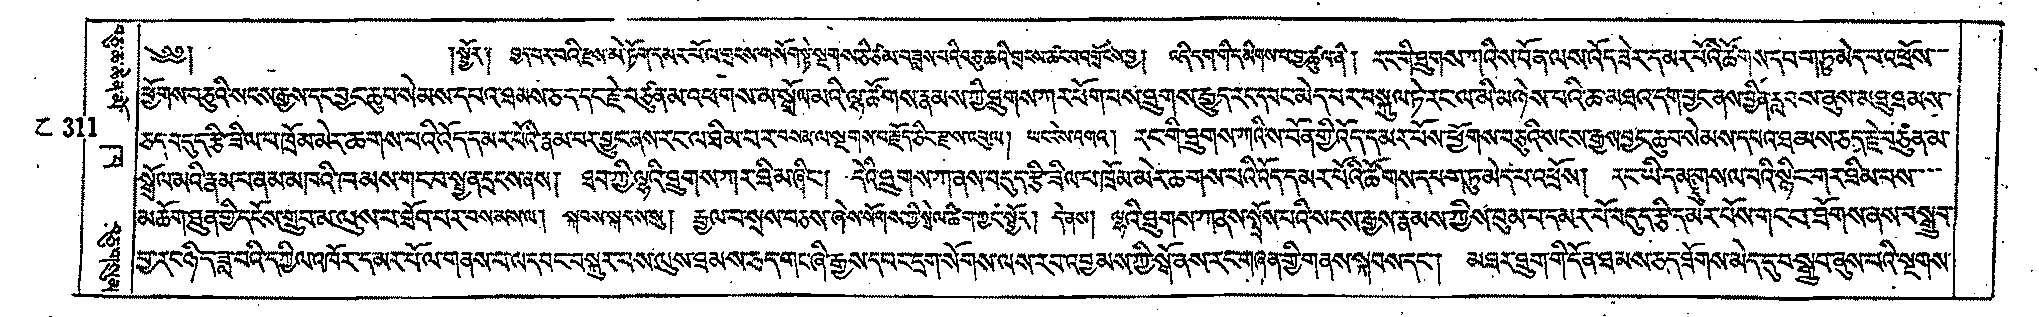༄༅། །སྦྱོར༑ ཁྱད་པར་བའི་རྫས་མེ་ཏོག་དམར་པོ་ལ་གྲངས་གསོག་སྟེ་སྔགས་ཅི་ཙམ་བཟླས་པའི་བཅུ་ཆའི་གྲངས་ཚང་བ་འགྲོ་ངེས་བྱ། འདི་དག་གི་དམིགས་པ་བྱ་ཚུལ་ནི།  རང་གི་ཐུགས་ཀའི་ས་བོན་ལས་འོད་ཟེར་དམར་པོའི་ཚོགས་དཔག་ཏུ་མེད་པ་འཕྲོས་་་
ཕྱོགས་བཅུའི་སངས་རྒྱས་དང་བྱང་ཆུབ་སེམས་དཔའ་ཐམས་ཅད་དང་རྗེ་བཙུན་མ་འཕགས་མ་སྒྲོལ་མའི་ལྷ་ཚོགས་རྣམས་ཀྱི་ཐུགས་ཀར་ཕོག་པས་ཐུགས་རྒྱུད་རང་དབང་མེད་པར་བསྐུལ་ཏེ་རང་ལ་མི་མཉེས་པའི་ཆ་མཐའ་དག་བྱང་ནས་བྱིན་རླབས་ནུས་མཐུ་ཐམས་
ཅད་བདུད་རྩི་ཟིལ་པ་ཁྲོམ་མེར་ཆགས་པའི་འོད་དམར་པོའི་རྣམ་པར་བྱུང་ནས་རང་ལ་ཐིམ་པར་བསམ་ལ་སྔགས་བརྗོད་ཅིང་རྫས་འབུལ། ཡང་རེས་འགའ།  རང་གི་ཐུགས་ཀའི་ས་བོན་གྱི་འོད་དམར་པོས་ཕྱོགས་བཅུའི་སངས་རྒྱས་བྱང་ཆུབ་སེམས་དཔའ་ཐམས་ཅད་རྗེ་བཙུན་མ་
སྒྲོལ་མའི་རྣམ་པ་ནམ་མཁའི་ཁམས་གང་བ་སྤྱན་དྲངས་ནས། ཐབ་ཀྱི་ལྷའི་ཐུགས་ཀར་ཐིམ་ཞིང་། དེའི་ཐུགས་ཀ་ནས་བདུད་རྩི་ཟིལ་པ་ཁྲོམ་མེར་ཆགས་པའི་འོད་དམར་པོའི་ཚོགས་དཔག་ཏུ་མེད་པ་འཕྲོས། རང་ཡི་དམ་དུ་གསལ་བའི་སྙིང་གར་ཐིམ་པས་་་
མཆོག་ཐུན་གྱི་དངོས་གྲུབ་མ་ལུས་པ་ཐོབ་པར་བསམས་ལ། སྐབས་སྐབས་སུ།  རྒྱལ་བ་སྲས་བཅས་ཞེས་སོགས་ཀྱི་སྤེལ་ཚིག་ཀྱང་སྦྱོར། དེ་ནས།  ལྷའི་ཐུགས་ཀ་ནས་སྤྲོས་པའི་སངས་རྒྱས་རྣམས་ཀྱིས་བུམ་པ་དམར་པོ་བདུད་རྩི་དམར་པོས་གང་བ་ཐོགས་ནས་བསྒྲུབ་
བྱ་རང་ཉིས་ཟླ་བའི་དཀྱིལ་འཁོར་དམར་པོ་ལ་གནས་པ་ལ་དབང་བསྐུར་བས་ལུས་ཐམས་ཅད་གང་ཞི་རྒྱས་དབང་དྲག་སོགས་ལས་རབ་འབྱམས་ཀྱི་སྒོ་ནས་རང་གཞན་གྱི་གནས་སྐབས་དང་། མཐར་ཐུག་གི་དོན་ཐམས་ཅད་ཐོགས་མེད་དུ་བསྒྲུབ་ནུས་པའི་སྔགས་